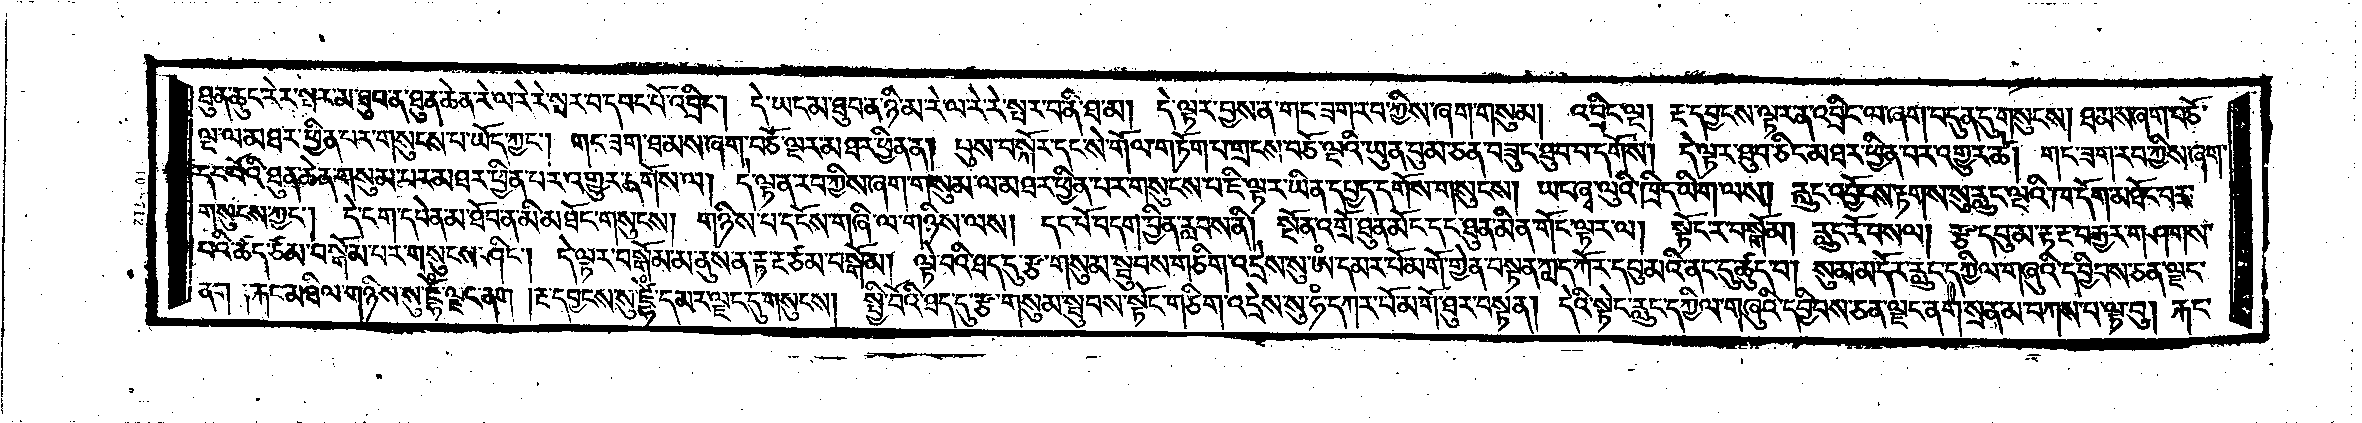ཐུན་ཆུང་རེར་སྤར་མ་ཐུབ་ན་ཐུན་ཆེན་རེ་ལ་རེ་རེ་སྤར་བ་དབང་པོ་འབྲིང་། དེ་ཡང་མ་ཐུབ་ན་ཉི་མ་རེ་ལ་རེ་རེ་སྤར་བ་ནི་ཐ་མ། དེ་ལྟར་བྱས་ན་གང་ཟག་རབ་ཀྱིས་ཞག་གསུམ། འབྲིང་ལྔ། རྔ་དབྱངས་ལྟར་ན་འབྲིང་ལ་ཞག་བདུན་དུ་གསུངས། ཐ་མས་ཞག་བཅོ་
ལྔ་ལ་མཐར་ཕྱིན་པར་གསུངས་པ་ཡོད་ཀྱང་། གང་ཟག་ཐ་མས་ཞག་བཅོ་ལྔར་མཐར་ཕྱིན་ན། བུས་བསྐོར་དང་སེ་གོལ་གཏོག་པ་གྲངས་བཅོ་ལྔའི་ཡུན་བུམ་ཅན་བཟུང་ཐུབ་བ་དགོས། དེ་ལྟར་ཐུབ་ཅིང་མཐར་ཕྱིན་པར་འགྱུར་ཚེ། གང་ཟག་རབ་ཀྱིས་ཞག་
དང་པོའི་ཐུན་ཆེན་གསུམ་པར་མཐར་ཕྱིན་པར་འགྱུར་དགོས་ལ། དེ་ལྟ་ན་རབ་ཀྱིས་ཞག་གསུམ་ལ་མཐར་ཕྱིན་པར་གསུངས་པ་ཇི་ལྟར་ཡིན་དཔྱད་དགོས་གསུངས། ཡང་ཞྭ་ལུའི་ཁྲིད་ཡིག་ལས། རླུང་འབྱོངས་རྟགས་སུ་རླུང་ལྔའི་ཁ་དོག་མཐོང་བར་
གསུངས་ཀྱང་། དེ་དག་དབེན་མ་ཐོབ་ན་མི་མཐོང་གསུངས། གཉིས་པ་དངོས་གཞི་ལ་གཉིས་ལས། དང་པོ་བདག་བྱིན་རླབས་ནི། སྔོན་འགྲོ་ཐུན་མོང་དང་ཐུན་མིན་གོང་ལྟར་ལ། སྟོང་ར་བསྒོམ། རླུང་རོ་བསལ། རྩ་དབུ་མ་རྟ་རྔ་བརྒྱར་གཤགས་
པའི་ཚད་ཙམ་བསྒོམ་པར་གསུངས་ཤིང་། དེ་ལྟར་བསྒོམ་མ་ནུས་ན་རྟ་རྡ་ཙམ་བསྒོམ། ལྟེ་བའི་ཐད་དུ་རྩ་གསུམ་སྦུབས་གཅིག་འདྲེས་སུ་ཨཾ་དམར་པོ་མགོ་གྱེན་བསྟན་ཀླང་ཀོར་དབུ་མའི་ནང་དུ་ཚུད་པ། སུམ་མདོར་རླུང་དཀྱིལ་གཞུའི་དབྱིབས་ཅན་ལྗང་
ནག ༑རྐང་མཐིལ་གཉིས་སུ་ཛྷེཾ་ལྗང་ནག །རྔ་དབྱངས་སུ་ཛྷེཾ་དམར་ལྗང་དུ་གསུངས། སྤྱི་བོའི་ཐད་དུ་རྩ་གསུམ་སྦུབས་སྟོང་གཅིག་འདྲེས་སུ་ཧཾ་དཀར་པོ་མགོ་ཐུར་བསྟན། དེའི་སྟེང་རླུང་དཀྱིལ་གཞུའི་དབྱིབས་ཅན་ལྗང་ནག་སྲན་མ་བཀས་པ་ལྟ་བུ། རྐང་